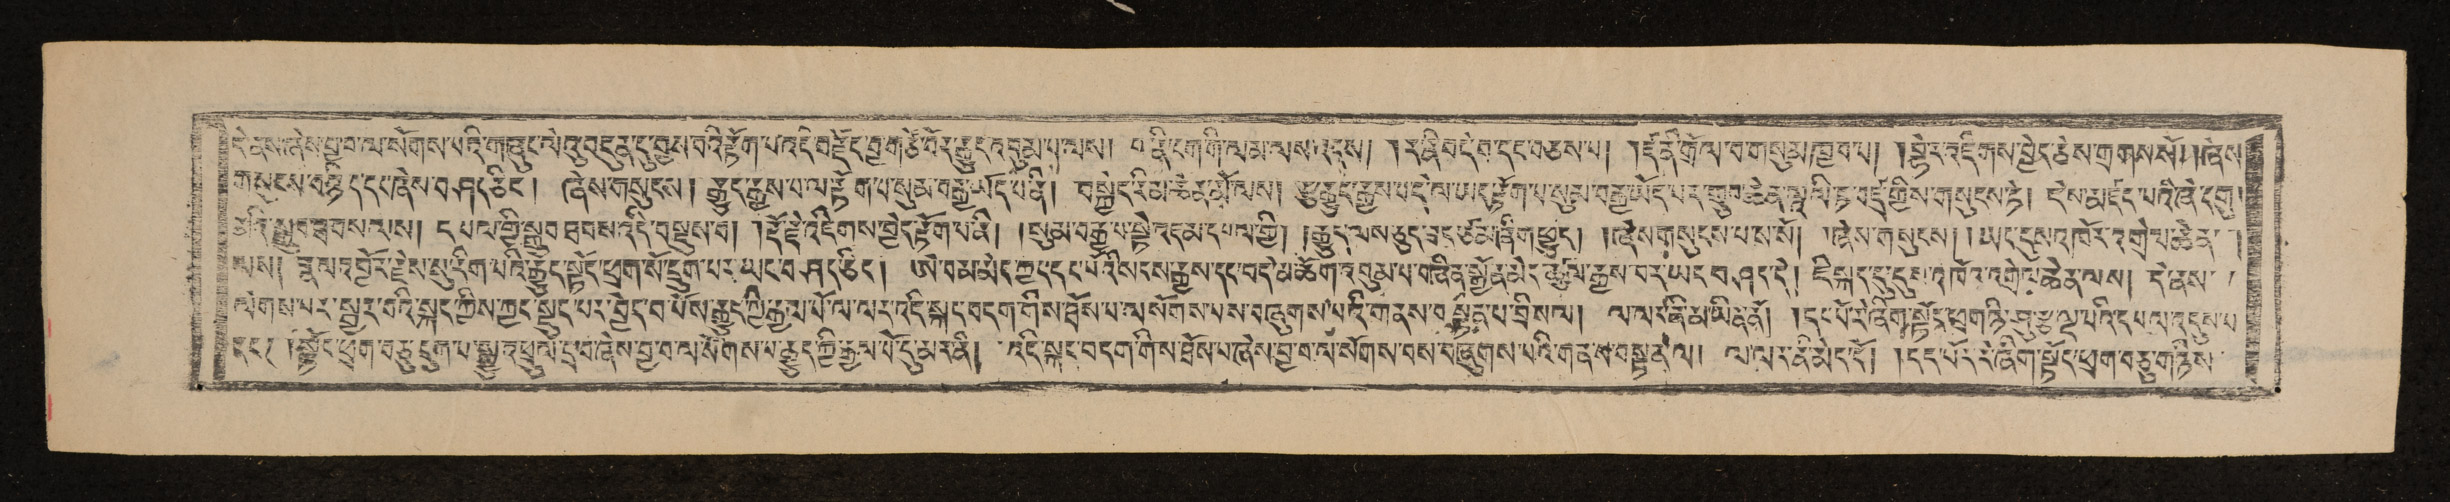དེ་ནས་ཞེས་བྱ་བ་ལ་སོགས་པའི་གཞུང་ལེའུ་བདུན་དུ་བྱས་པའི་རྟོག་པ་འདི་བརྗོད་བྱ་གཙོ་བོར་རྒྱུད་འབུམ་པ་ལས། བ་ནི་ངག་གི་ལམ་ལས་འདས། །ར་ནི་བདེ་བ་དང་བཅས་པ། །ཛ་ནི་གྲོལ་བ་གསུམ་ཁྱབ་པ། །བྷེ་ར་འཇིགས་བྱེད་ཅེས་གྲགས་སོ། །ཞེས་
གསུངས་པ་ཉིད་དང་ཞེས་བཤད་ཅིང་། ཞེས་གསུངས། རྒྱུད་རྒྱས་པ་ལ་རྟོག་པ་སུམ་བརྒྱ་ཡོད་པ་ནི། བསྐྱེད་རིམ་ཆེན་མོ་ལས། རྩ་རྒྱུད་རྒྱས་པ་དེ་ལ་ཡང་རྟོག་པ་སུམ་བརྒྱ་ཡོད་པར་གྲུང་ཆེན་ལཱ་ལི་ཏ་བཛྲ་གྱིས་གསུངས་ཏེ། དེས་མཛད་པའི་ཞེ་དགུ་
མའི་སྒྲུབ་ཐབས་ལས། དཔལ་གྱི་སྒྲུབ་ཐབས་འདི་བསྡུས་པ། །རྡོ་རྗེ་འཇིགས་བྱེད་རྟོག་པ་ནི། །སུམ་བརྒྱ་པ་སྟེ་འཇམ་དཔལ་གྱི། །རྒྱུད་ལས་ཅུང་ཟད་ཙམ་ཞིག་ཕྱུང་། །ཞེས་གསུངས་པས་སོ། །ཞེས་གསུངས། ཡང་དུས་འཁོར་འགྲེལ་ཆེན་
ལས༑ རྣལ་འབྱོར་རྗེས་སུ་རིག་པའི་རྒྱུད་སྟོང་ཕྲག་སོ་དྲུག་པར་ཡང་བཤད་ཅིང་། ཨེ་བམ་མེད་ཀྱང་དང་པོའི་སངས་རྒྱས་དང་བདེ་མཆོག་འབུམ་པ་བཞིན་སྐྱོན་མེད་ཚུལ་རྒྱས་པར་ཡང་བཤད་དེ། ཇི་སྐད་དུ་དུས་འཁོར་འགྲེལ་ཆེན་ལས། དེ་ནས་
ལེགས་པར་སྦྱར་བའི་སྐད་ཀྱིས་ཀྱང་སྡུད་པར་བྱེད་པ་པོས་རྒྱུད་ཀྱི་རྒྱལ་པོ་ལ་ལར་འདི་སྐད་བདག་གིས་ཐོས་པ་ལ་སོགས་པས་བཞུགས་པའི་གནས་བསྟན་པ་བྲིས་ལ། ལ་ལར་ནི་མ་ཡིན་ནོ། །དང་པོ་རེ་ཞིག་སྟོང་ཕྲག་ཉི་ཤུ་རྩ་ལྔ་པའི་དཔལ་འདུས་པ་
དང༑ སྟོང་ཕྲག་བཅུ་དྲུག་པ་སྒྱུ་འཕྲུལ་དྲ་བ་ཞེས་བྱ་བ་ལ་སོགས་པ་རྒྱུད་ཀྱི་རྒྱལ་པོ་དུ་མར་ནི། འདི་སྐད་བདག་གིས་ཐོས་པ་ཞེས་བྱ་བ་ལ་སོགས་པས་བཞུགས་པའི་གནས་བསྟན་ལ། ལ་ལར་ནི་མེད་དོ། །དང་པོར་རེ་ཞིག་སྟོང་ཕྲག་བཅུ་གཉིས་